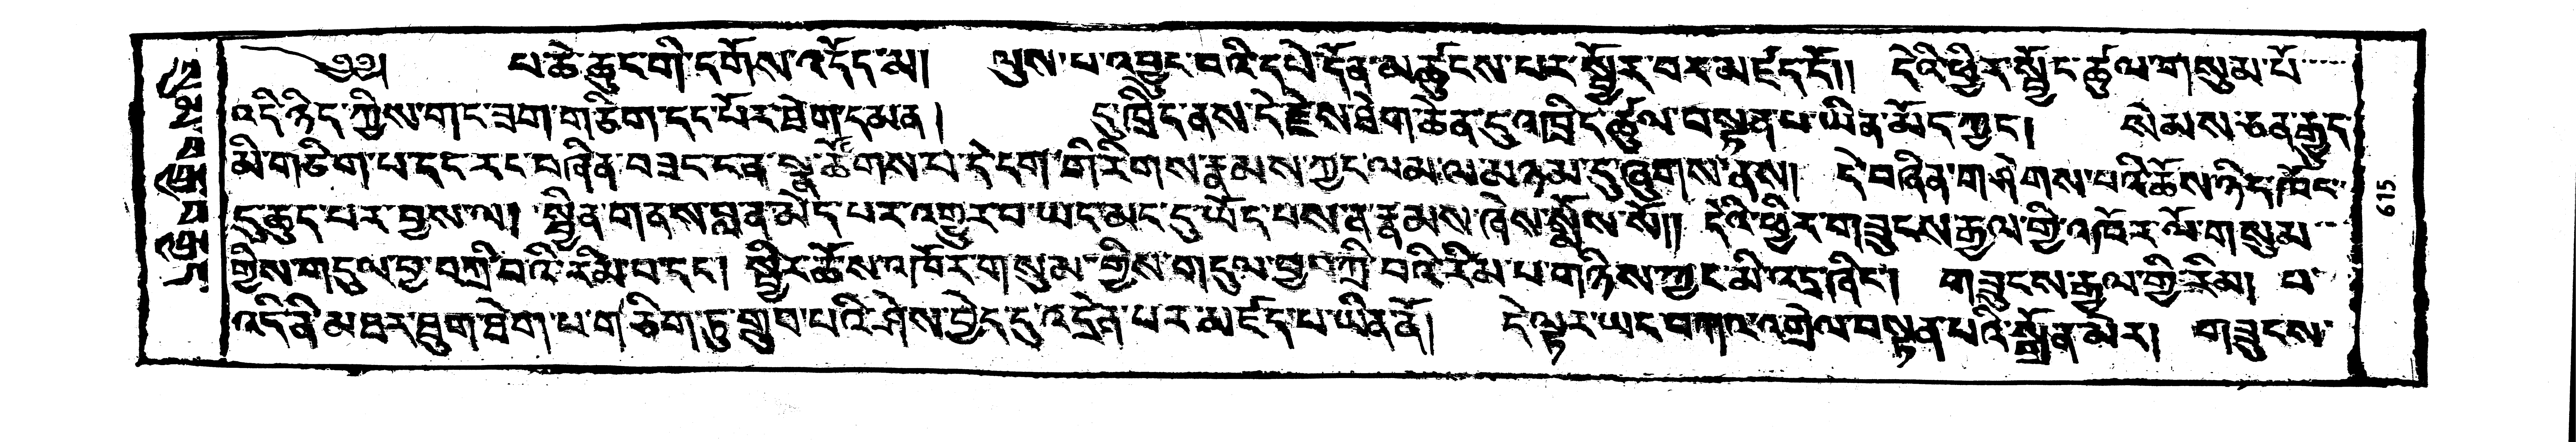༄༅། །པ་ཆེ་ཆུང་གི་དགོས་འདོད་མ། ལུས་པ་འབྱུང་བའི་དཔེ་དོན་མཚུངས་པར་སྦྱོར་བར་མཛད་དོ།། དེའི་ཕྱིར་སྦྱོང་ཚུལ་གསུམ་པོ་
འདི་ཉིད་ཀྱིས་གང་ཟག་གཅིག་དང་པོར་ཐེག་དམན། དུ་ཁྲིད་ནས་དེ་རྗེས་ཐེག་ཆེན་དུ་འཁྲིད་ཚུལ་བསྟན་པ་ཡིན་མོད་ཀྱང་། སེམས་ཅན་རྒྱུད་
མི་གཅིག་པ་དང་རང་བཞིན་བཟང་ངན་སྣ་ཚོགས་པ་དེ་དག་གི་རིགས་རྣམས་ཀྱང་ལམ་ལ་མཉམ་དུ་ཞུགས་ནས། དེ་བཞིན་གཤེགས་པའི་ཆོས་ཉིད་ཁོང་
དུ་ཆུད་པར་བྱས་ལ། སྦྱིན་གནས་བླ་ན་མེད་པར་འགྱུར་བ་ཡང་མང་དུ་ཡོད་པས་ན་རྣམས་ཞེས་སྨོས་སོ།། དེའི་ཕྱིར་གཟུངས་རྒྱལ་གྱི་འཁོར་ལོ་གསུམ་
གྱིས་གདུལ་བྱ་བཀྲི་བའི་རིམ་པ་དང་། སྤྱིར་ཆོས་འཁོར་གསུམ་གྱིས་གདུལ་བྱ་བ་ཀྲི་བའི་རིམ་པ་གཉིས་ཀྱང་མི་འདྲ་ཞིང་། གཟུངས་རྒྱལ་གྱི་རིམ། པ་
འདི་ནི་མཐར་ཐུག་ཐེག་པ་གཅིག་ཏུ་གྲུབ་པའི་ཤེས་བྱེད་དུ་འདྲེན་པར་མཛད་པ་ཡིན་ནོ།། དེ་ལྟར་ཡང་བཀའ་འགྲེལ་བསྟན་པའི་སྒྲོན་མེར། གཟུངས་